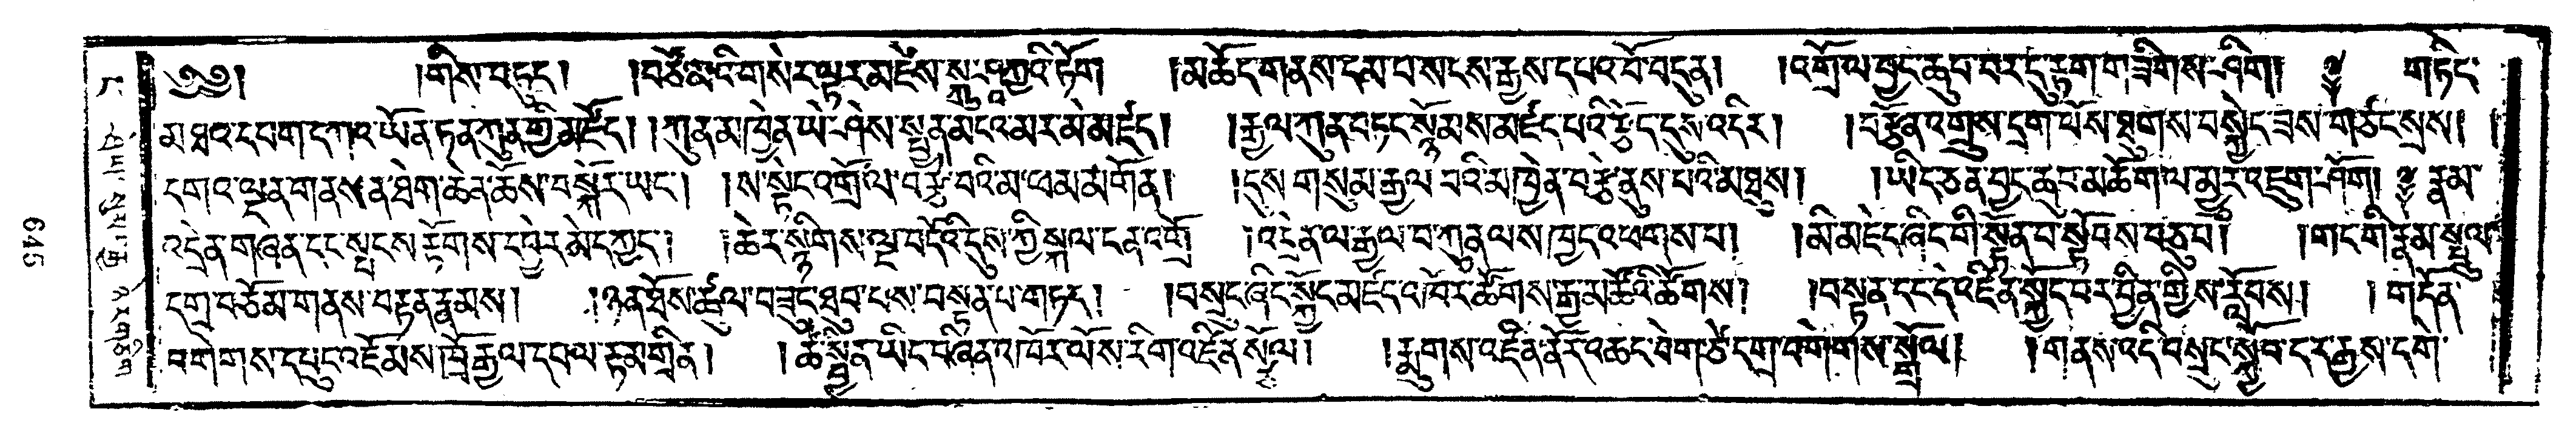༄༅། །གིས་བཏུད། །བཅོ་མའི་གསེར་ལྟར་མཛེས་སྐུ་ཤཱཀྱའི་ཏོག །མཆོད་གནས་དམ་པ་སངས་རྒྱས་དཔའ་བོ་བདུན། །འགྲོ་ལ་བྱང་ཆུབ་བར་དུ་རྟག་གཟིགས་ཤིག། ༈ གཏིང་
མཐའ་དཔག་དཀའ་ཡོན་ཏན་ཀུན་གྱི་མཛོད། །ཀུན་མཁྱེན་ཡེ་ཤེས་སྤྱན་མངའ་མར་མེ་མཛད། །རྒྱལ་ཀུན་བཏང་སྙོམས་མཛད་པའི་རྩོད་དུས་འདིར། །བརྩོན་འགྲུས་དྲག་པོས་ཐུགས་བསྐྱེད་ཟས་གཙང་སྲས། །
དགའ་ལྡན་གནས་ན་ཐེག་ཆེན་ཆོས་བསྐོར་ཡང་། །ས་སྟེང་འགྲོ་ལ་བརྩེ་བའི་མ་ཕམ་མགོན། །དུས་གསུམ་རྒྱལ་བའི་མཁྱེན་བརྩེ་ནུས་པའི་མཐུས། །ཡིད་ཅན་བྱང་ཆུབ་མཆོག་ལ་མྱུར་འཇུག་ཤོག། ༈ རྣམ་
འདྲེན་གཞན་དང་སྤངས་རྟོགས་དབྱེར་མེད་ཀྱང་། །ཆེར་སྙིགས་ལྔ་བདོའི་དུས་ཀྱི་སྐལ་ངན་འགྲོ་།འདྲེན་ལ་རྒྱལ་བ་ཀུན་ལས་ཁྱད་འཕགས་པ། །མི་མཇེད་ཞིང་གི་སྟོན་པ་སྟོབས་བཅུ་པ། །གང་གི་རྣམ་སྤྲུལ་
དགྲ་བཅོམ་གནས་བརྟན་རྣམས། །ཉན་ཐོས་ཚུལ་བཟུང་ཐུབ་པས་བསྟན་པ་གཏད། །བསྲུང་ཞིང་སྐྱོང་མཛད་འཁོར་ཚོགས་རྒྱ་མཚོའི་ཚོགས། །བསྟན་དང་དེ་འཛིན་སྐྱོད་བར་བྱིན་གྱིས་རློབས། །གདོན་
བགེགས་དཔུང་འཇོམས་ཁྲོ་རྒྱལ་དཔལ་རྟ་མགྲིན། །ཚེ་སྦྱིན་ཡིད་བཞིན་འཁོར་ལོས་རིག་འཛིན་སྩོལ། །རྨུགས་འཛིན་ནོར་འཆང་བེག་ཙེ་དགྲ་བགེགས་སྒྲོལ། །གནས་འདི་བསྲུང་སྐྱོབ་དར་རྒྱས་དགེ་